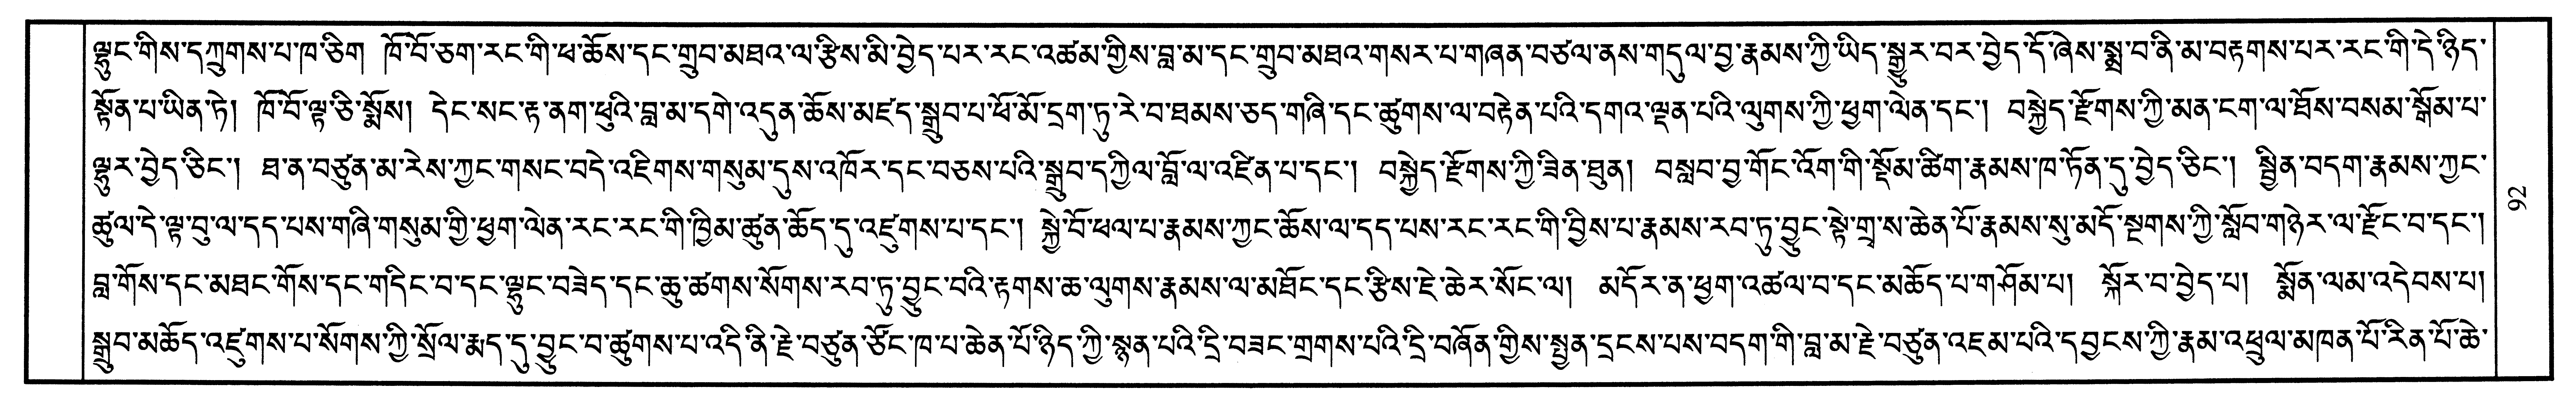ལྷུང་གིས་དཀྲུགས་པ་ཁ་ཅིག །ཁོ་བོ་ཅག་རང་གི་ཕ་ཆོས་དང་གྲུབ་མཐའ་ལ་རྩིས་མི་བྱེད་པར་རང་འཚམ་གྱིས་བླ་མ་དང་གྲུབ་མཐའ་གསར་པ་གཞན་བཙལ་ནས་གདུལ་བྱ་རྣམས་ཀྱི་ཡིད་སྒྱུར་བར་བྱེད་དོ་ཞེས་སྨྲ་བ་ནི་མ་བརྟགས་པར་རང་གི་དེ་ཉིད་
སྟོན་པ་ཡིན་ཏེ། ཁོ་བོ་ལྟ་ཅི་སྨོས། དེང་སང་རྟ་ནག་ཕུའི་བླ་མ་དགེ་འདུན་ཆོས་མཛད་སྒྲུབ་པ་ཕོ་མོ་དྲག་ཏུ་རེ་བ་ཐམས་ཅད་གཞི་དང་ཚུགས་ལ་བརྟེན་པའི་དགའ་ལྡན་པའི་ལུགས་ཀྱི་ཕྱག་ལེན་དང་། བསྐྱེད་རྫོགས་ཀྱི་མན་ངག་ལ་ཐོས་བསམ་སྒོམ་པ་
ལྷུར་བྱེད་ཅིང་། ཐ་ན་བཙུན་མ་རེས་ཀྱང་གསང་བདེ་འཇིགས་གསུམ་དུས་འཁོར་དང་བཅས་པའི་སྒྲུབ་དཀྱིལ་བློ་ལ་འཛིན་པ་དང་། བསྐྱེད་རྫོགས་ཀྱི་ཟིན་ཐུན། བསླབ་བྱ་གོང་འོག་གི་སྡོམ་ཚིག་རྣམས་ཁ་ཏོན་དུ་བྱེད་ཅིང་། སྦྱིན་བདག་རྣམས་ཀྱང་
ཚུལ་དེ་ལྟ་བུ་ལ་དད་པས་གཞི་གསུམ་གྱི་ཕྱག་ལེན་རང་རང་གི་ཁྱིམ་ཚུན་ཆོད་དུ་འཛུགས་པ་དང་། སྐྱེ་བོ་ཕལ་པ་རྣམས་ཀྱང་ཆོས་ལ་དད་པས་རང་རང་གི་བྱིས་པ་རྣམས་རབ་ཏུ་བྱུང་སྟེ་གྲྭ་ས་ཆེན་པོ་རྣམས་སུ་མདོ་སྔགས་ཀྱི་སློབ་གཉེར་ལ་རྫོང་བ་དང་།
བླ་གོས་དང་མཐང་གོས་དང་གདིང་བ་དང་ལྷུང་བཟེད་དང་ཆུ་ཚགས་སོགས་རབ་ཏུ་བྱུང་བའི་རྟགས་ཆ་ལུགས་རྣམས་ལ་མཐོང་དང་རྩིས་ཇེ་ཆེར་སོང་ལ། མདོར་ན་ཕྱག་འཚལ་བ་དང་མཆོད་པ་གཤོམ་པ། སྐོར་བ་བྱེད་པ། སྨོན་ལམ་འདེབས་པ།
སྒྲུབ་མཆོད་འཛུགས་པ་སོགས་ཀྱི་སྲོལ་རྨད་དུ་བྱུང་བ་ཚུགས་པ་འདི་ནི་རྗེ་བཙུན་ཙོང་ཁ་པ་ཆེན་པོ་ཉིད་ཀྱི་སྙན་པའི་དྲི་བཟང་གྲགས་པའི་དྲི་བཞོན་གྱིས་སྤྱན་དྲངས་པས་བདག་གི་བླ་མ་རྗེ་བཙུན་འཇམ་པའི་དབྱངས་ཀྱི་རྣམ་འཕྲུལ་མཁན་པོ་རིན་པོ་ཆེ་